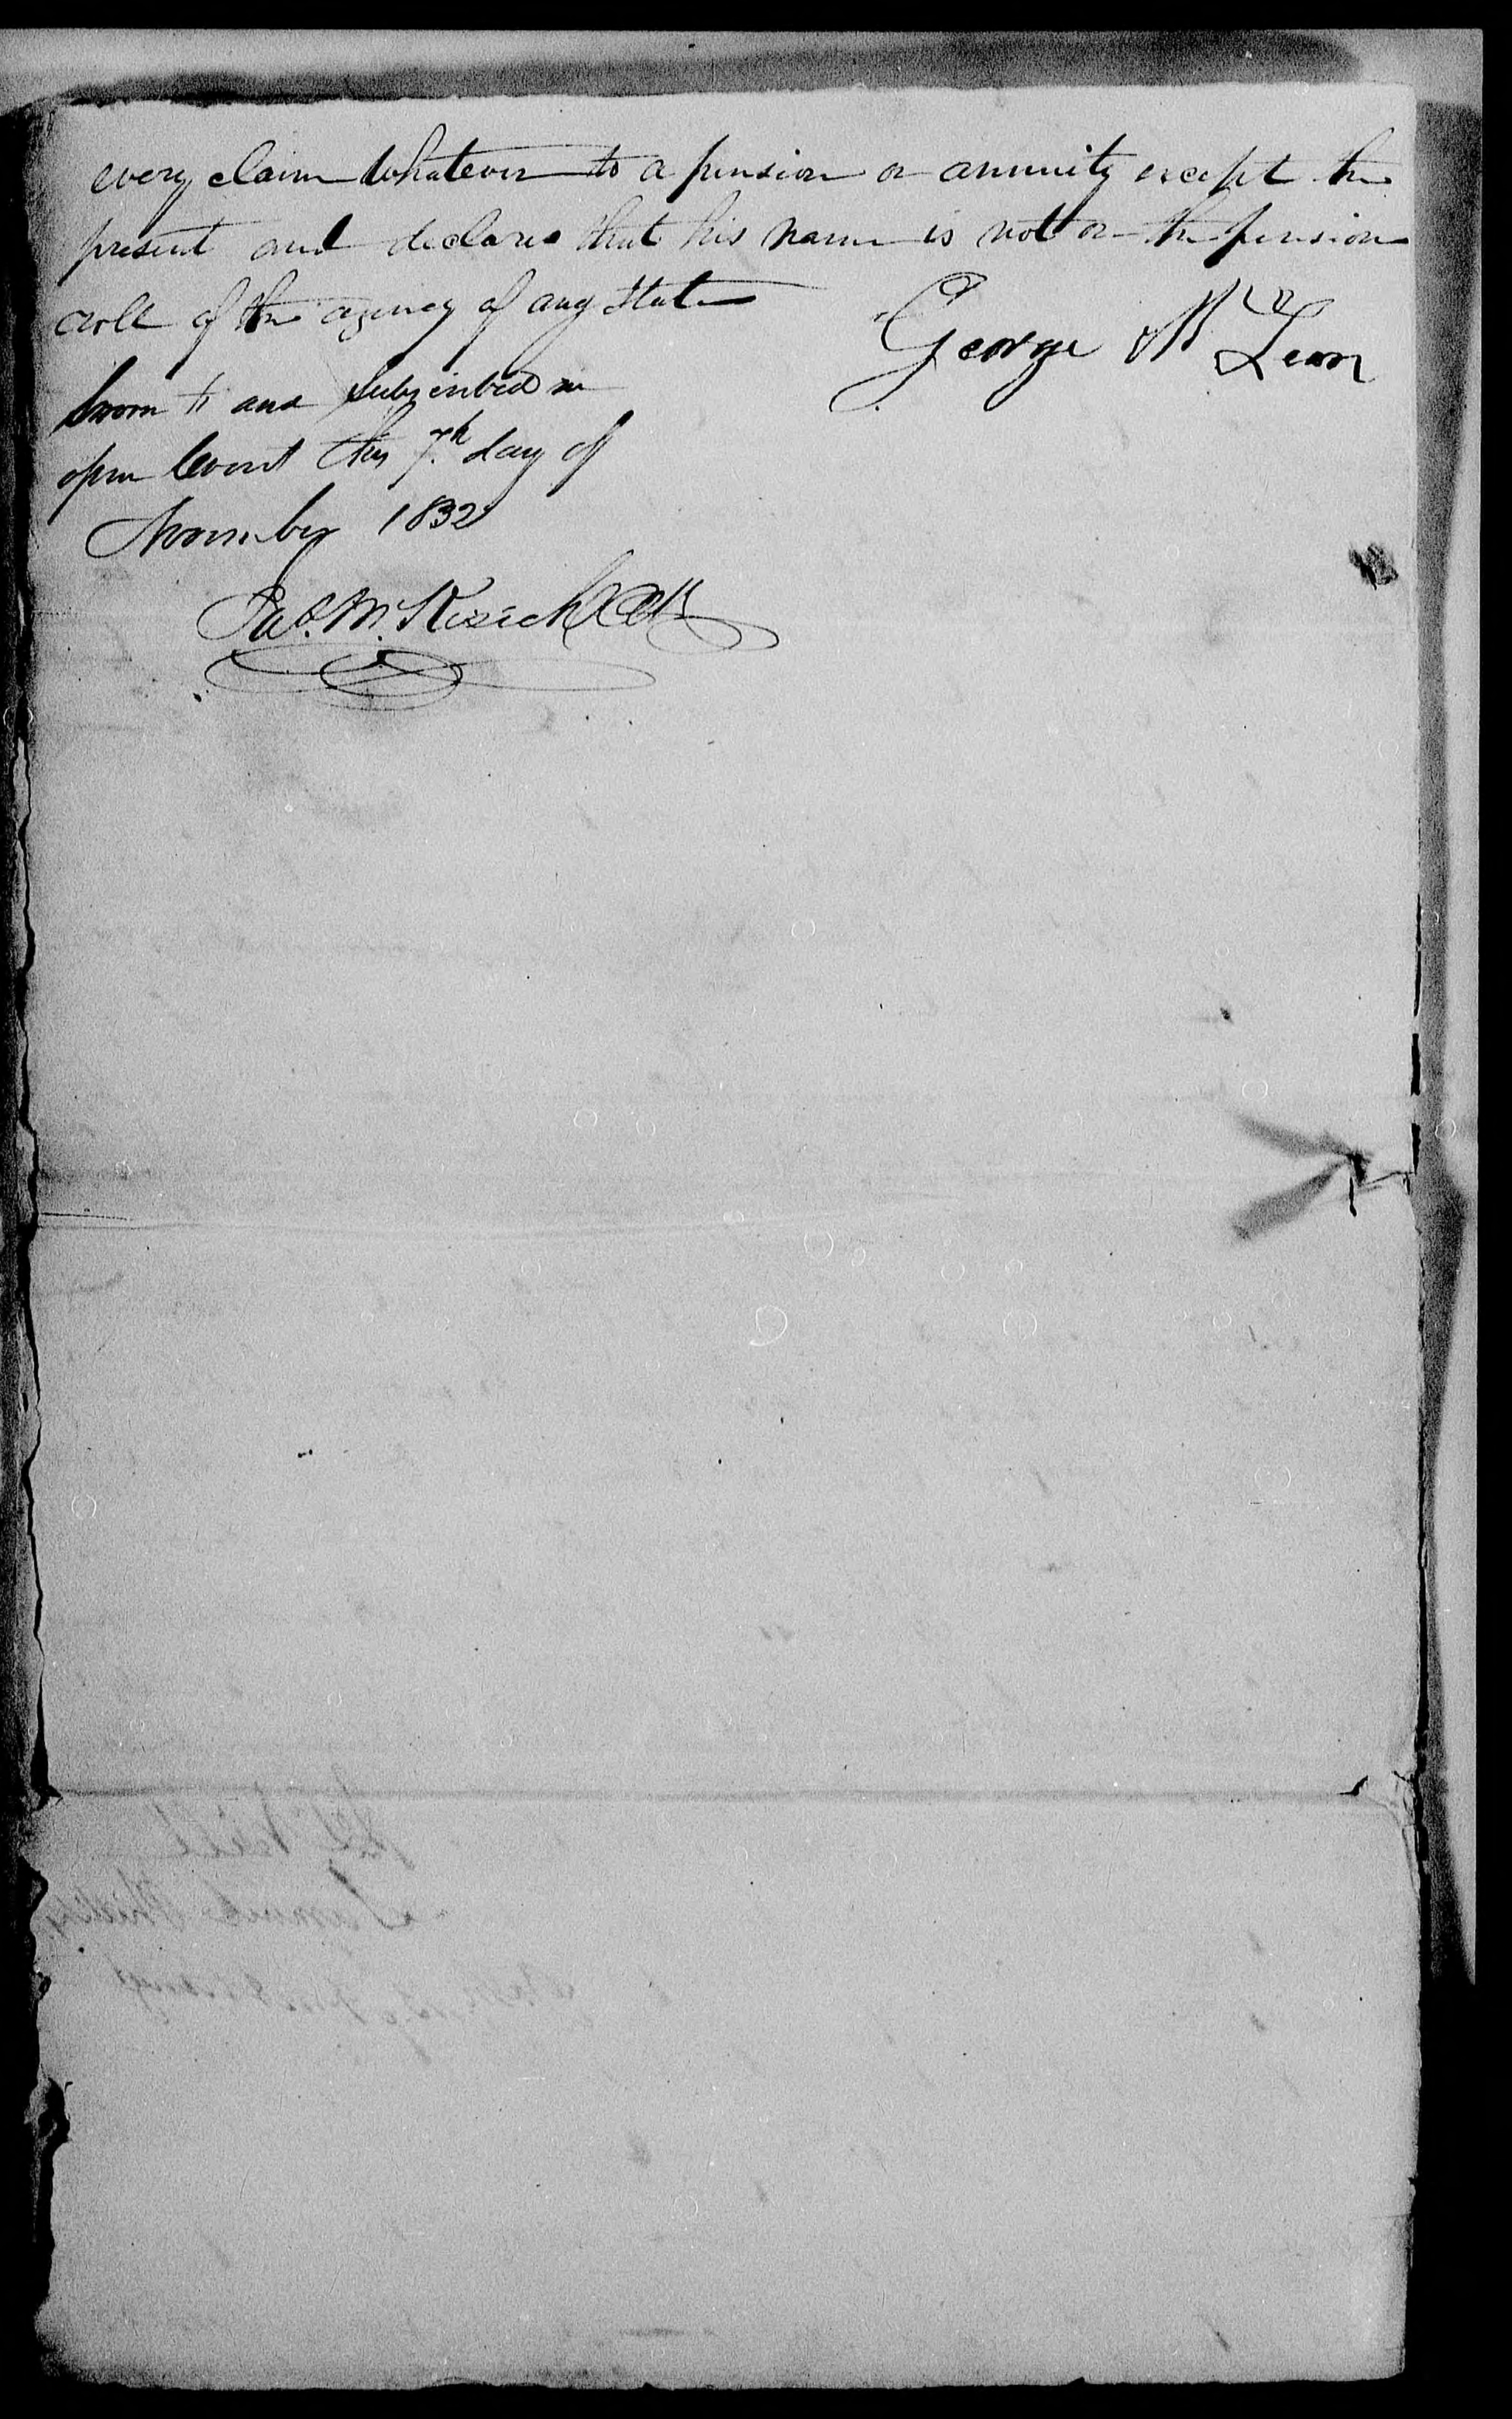every claim whatever to a pension or annuity except the present and declares that his name is not on the pension roll of the agency of any State. 
[Signed] George McLean 
Sworn to and subscribed in open Court this 7th day of November 1832.
Jas McKisick, Clerk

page: 15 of 67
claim: widow's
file: W. 21793, for George Mc Lain, North Carolina